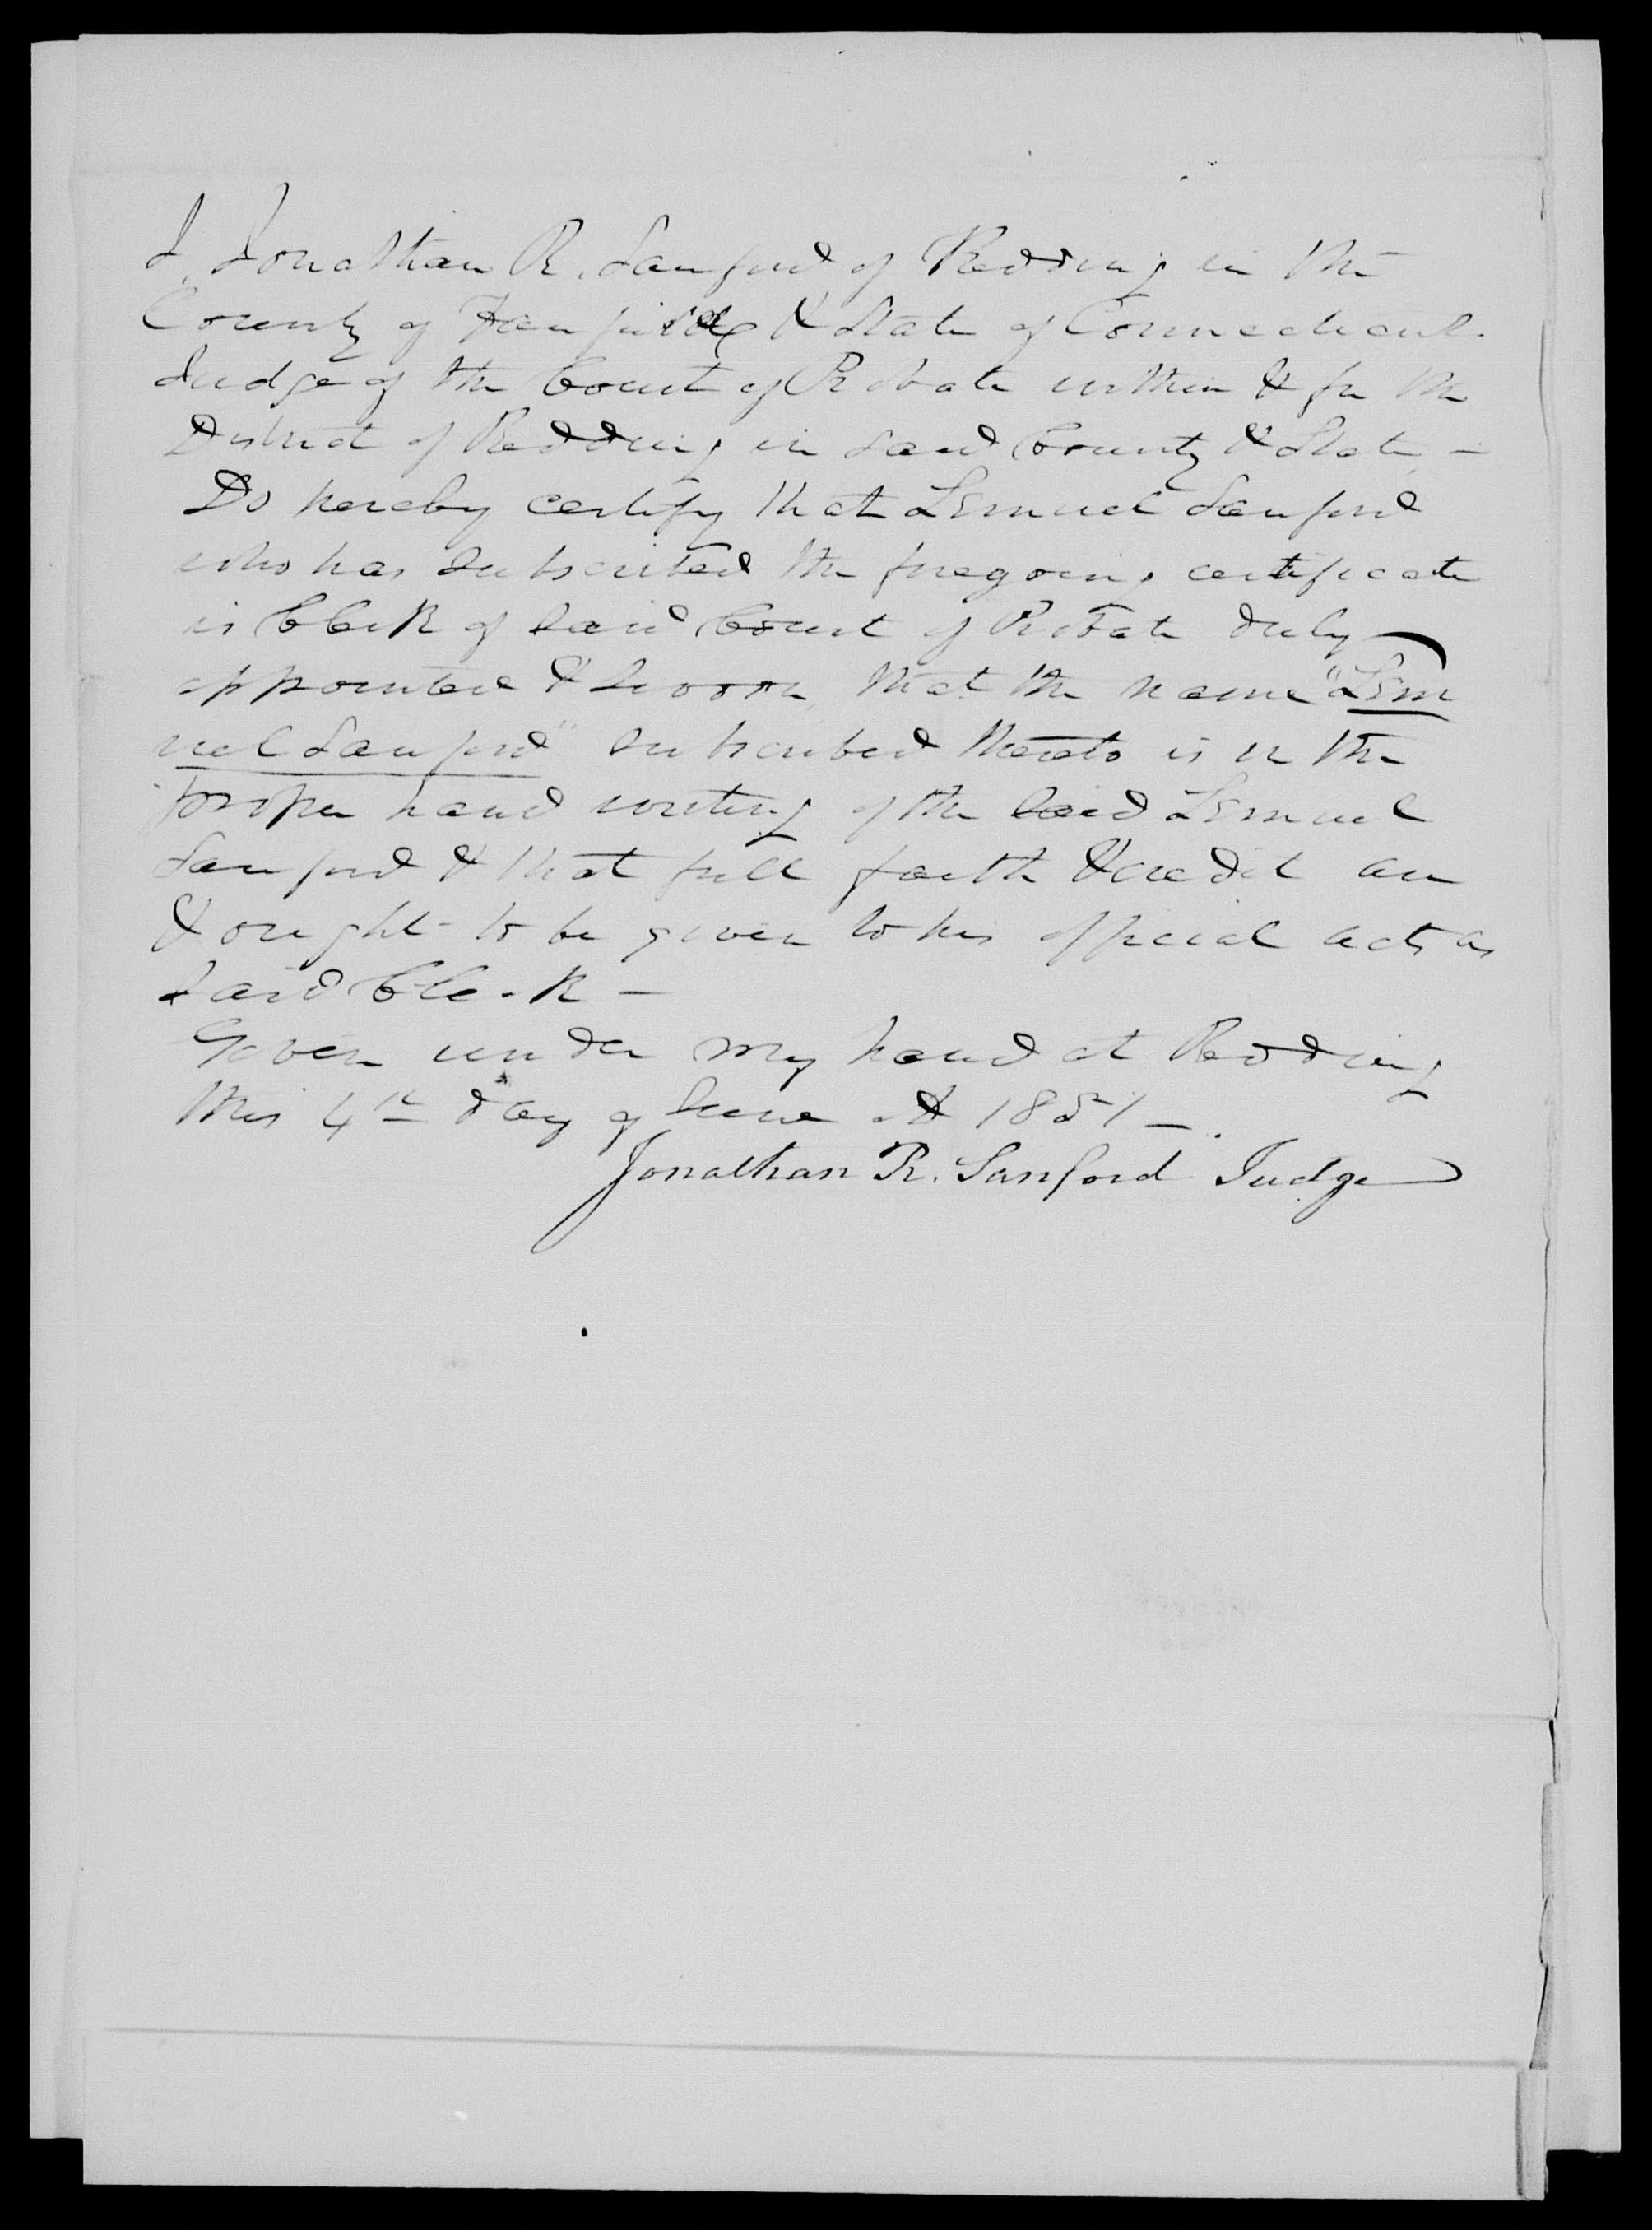I Jonathan R. Sanford of Redding in the
County of Fairfield & State of Connecticut
Judge of the Court of Probate within & for the
District of Redding in said County & State
Do hereby certify that Lemuel Sanford
who has subscribed the foregoing certificate
is Clerk of said Court of Probate duly
appointed & sworn that the name Lemuel
Sanford" subscribed thereto is in the
proper hand writing of the said Lemuel
Sanford & that full faith & credit can
& ought to be given to his official acts as
said Clerk
Given under my hand at Redding,
this 4th day of June AD 1851-
Jonathan R. Sanford Judge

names: Lemuel Sanford, Lemuel Sanford, Jonathan R Sanford, Jonathan R Sanford, Lemuel Sanford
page: 35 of 39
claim: survivor's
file: S. 12110, Isaac Bartram, Continental (Conn)